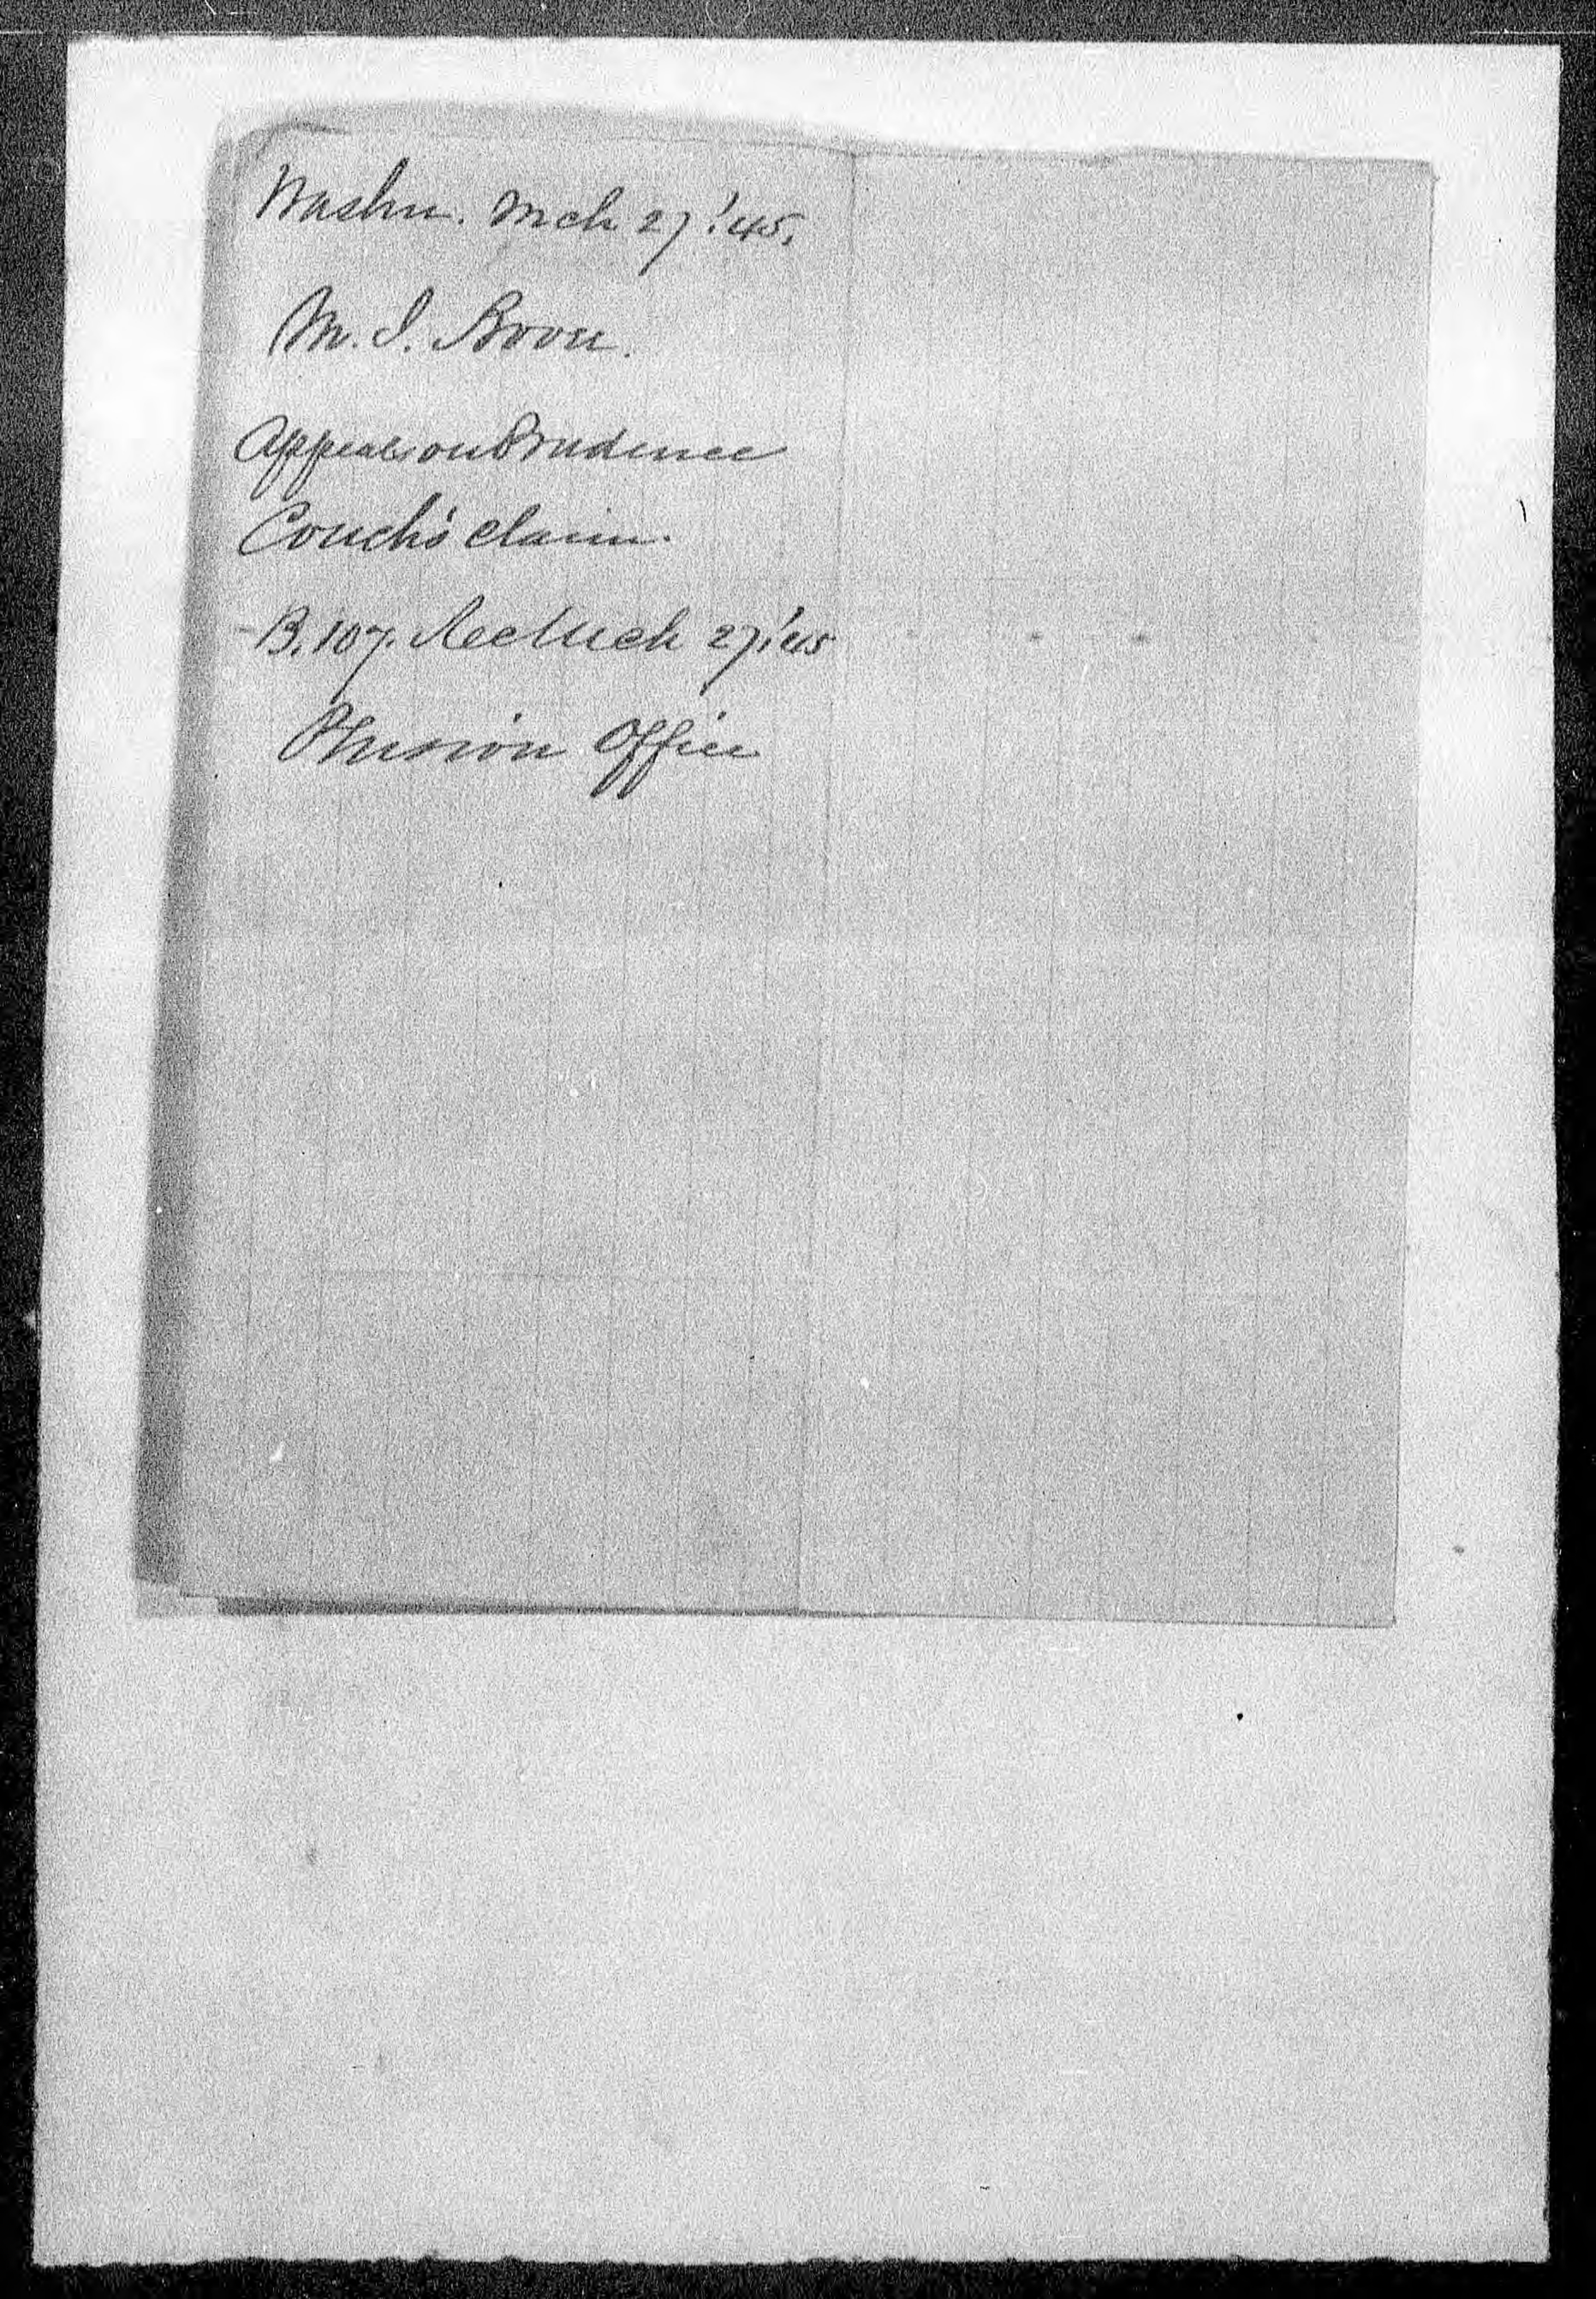Washn. Mch 27 '45
M. J. Bovee
appeals one Prudence
Couch's claim
B. 107 Rec Mch 27 '45
Pension Office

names: M J Bovee, Prudence Couch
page: 33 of 68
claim: rejected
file: R. 2,360, John Couch, Conn.